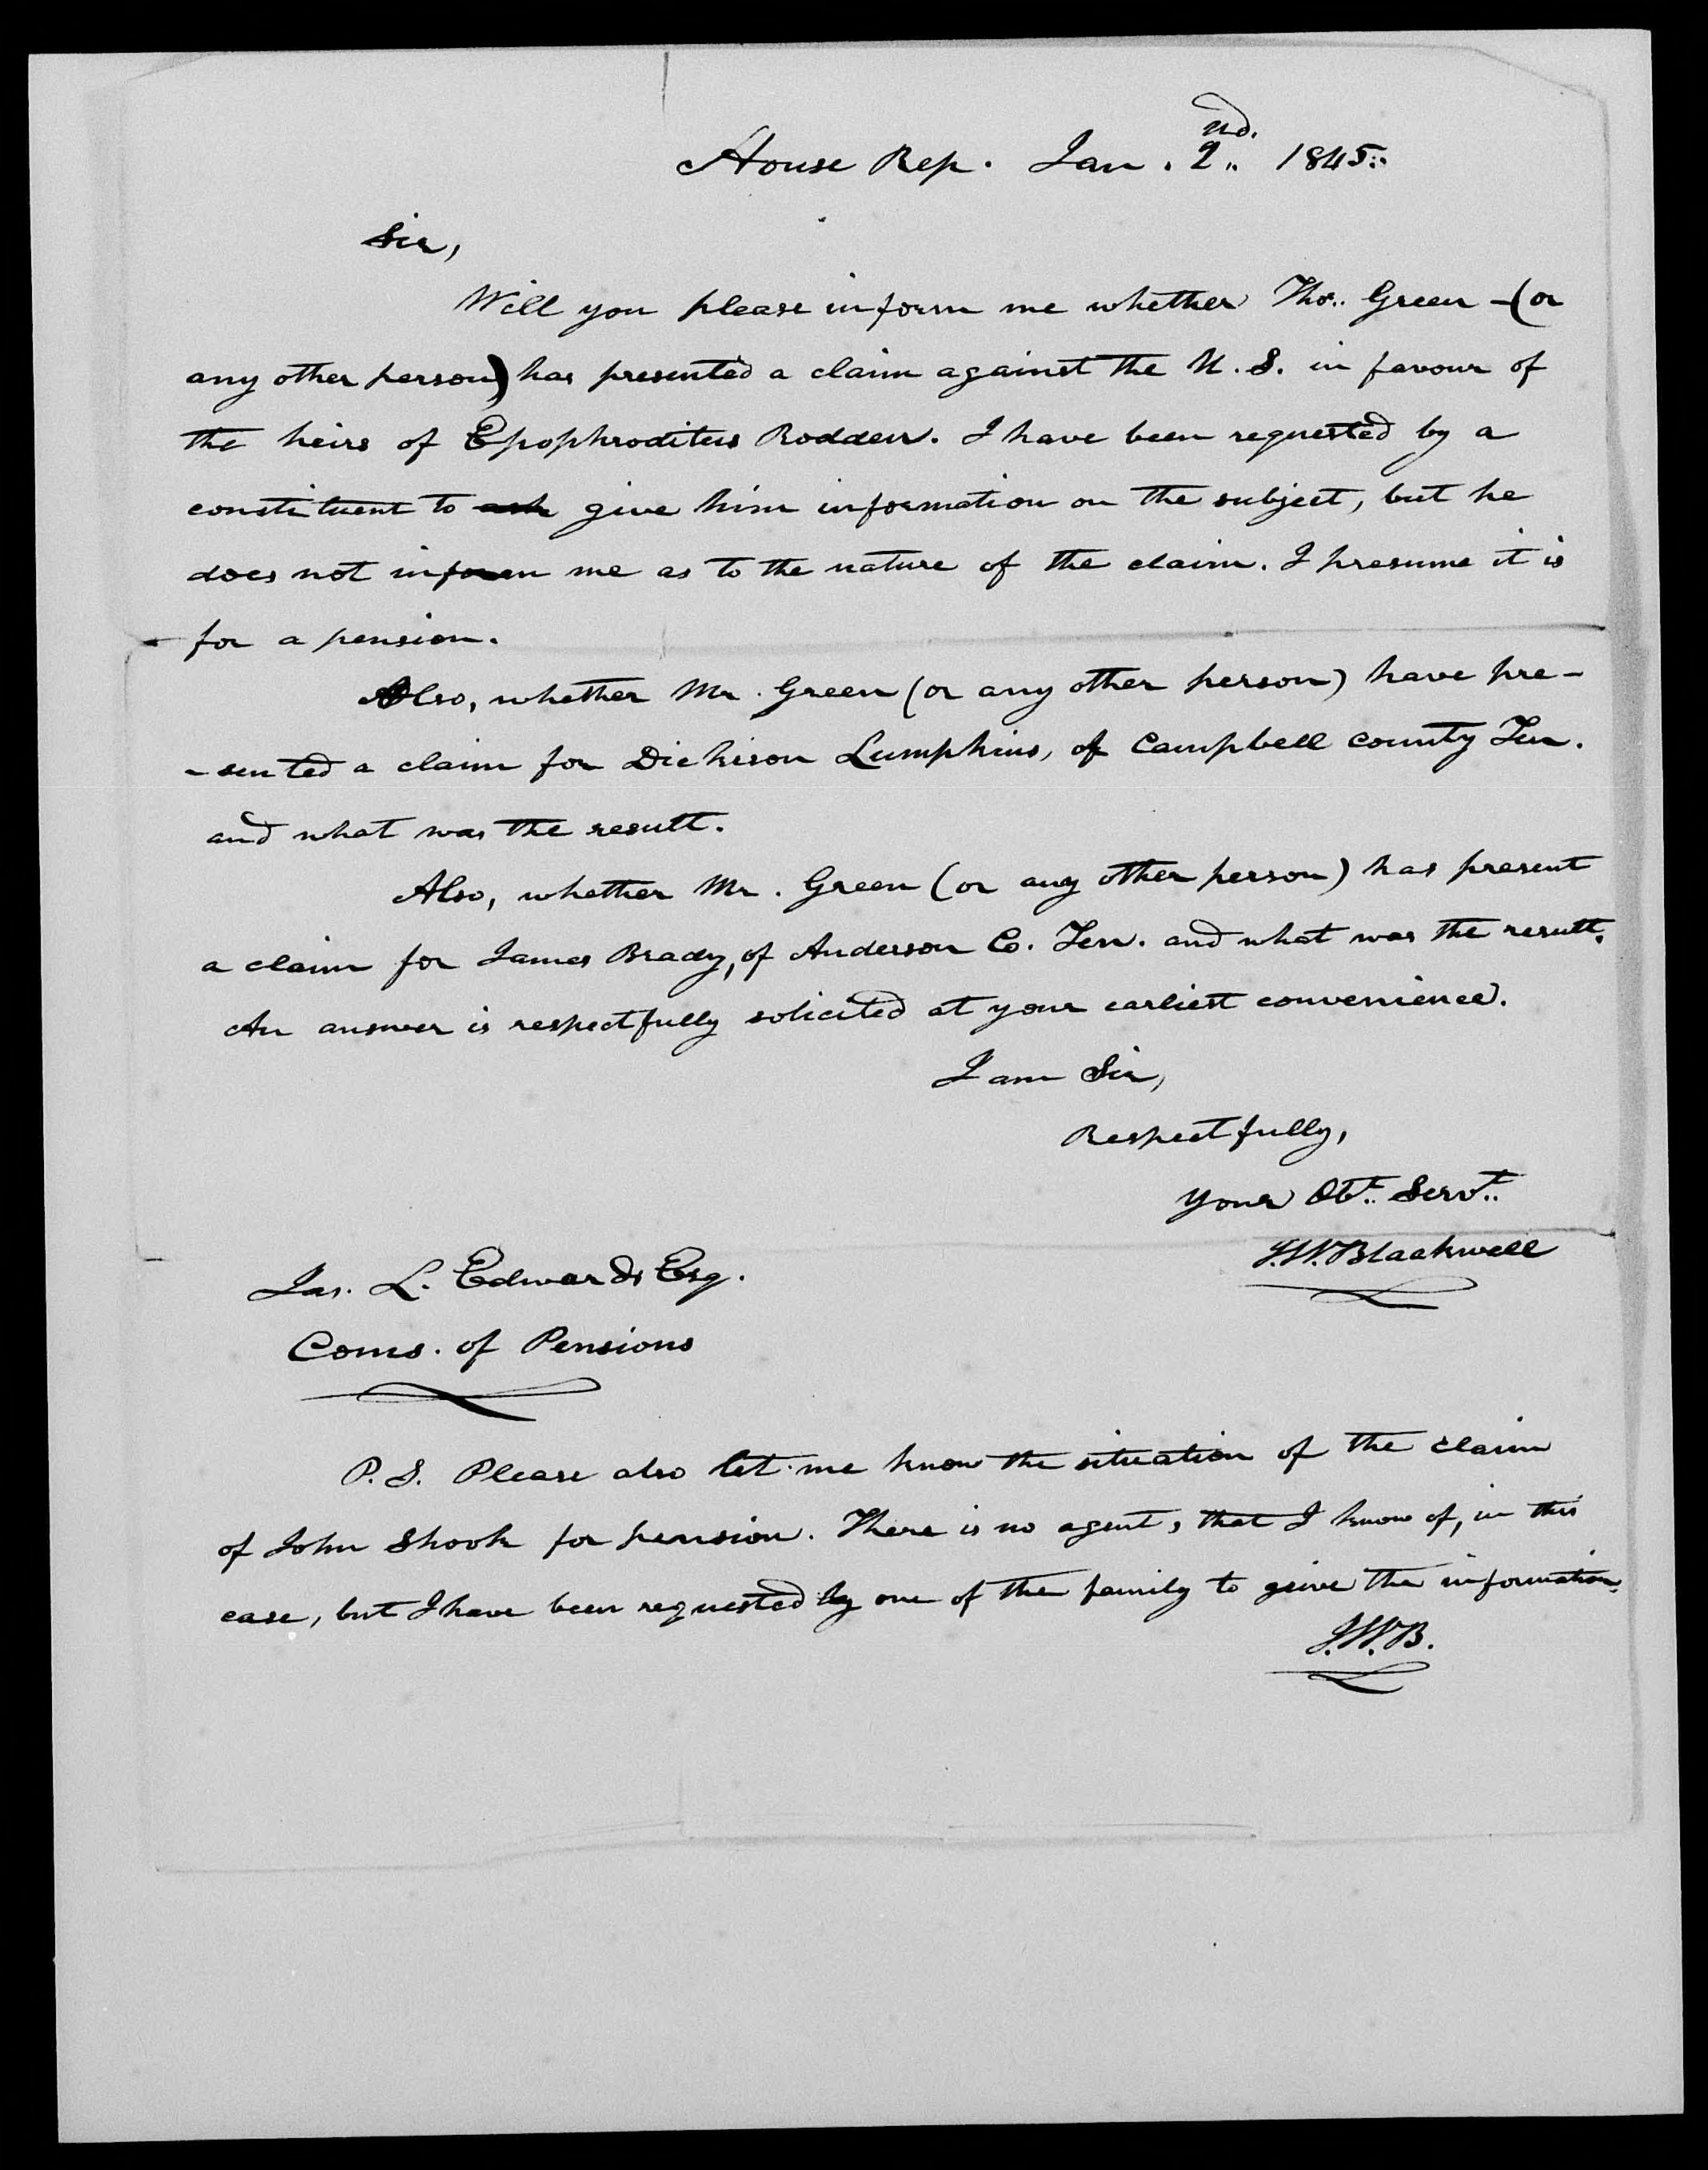(Handwritten document)

House Rep. Jan. 2, 1845

Sir,

Will you please inform me whether Mr. Green (or any other person has presented a claim against the U.S. in favour of the heirs of Epaphrodites Rodden. I have been requested by a constituent to give him information on the subject, but he does not inform me as to the nature of the claim. I presume it is for a pension.

Also, whether Mr. Green (or any other person) have presented a claim for Dickson Lumpkins, of Campbell County Tenn and what was the result.

Also, whether Mr. Green (or any other person) has present claim for James Brady of Anderson Co. Tenn. and what was the result. An answer is respectfully solicited at your earliest convenience.

I am Sir,
Respectfully,
Your Obt Servt
J. W. Blackwell

Jas. L. Edwards Esq
Coms. of Pensions

P.S. Please also let me know the situation of the claim of John Shook for pension. There is no agent, that I have of in this case, but I have been requested by one of the family to give the information.
J. W. B.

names: John Shook; James Brady; Dickison Lumpkins; Thos Green; J W Blackwell; Jas L Edwards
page: 31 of 37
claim: rejected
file: R. 6521, for Dickeson Lumpkin, Pennsylvania